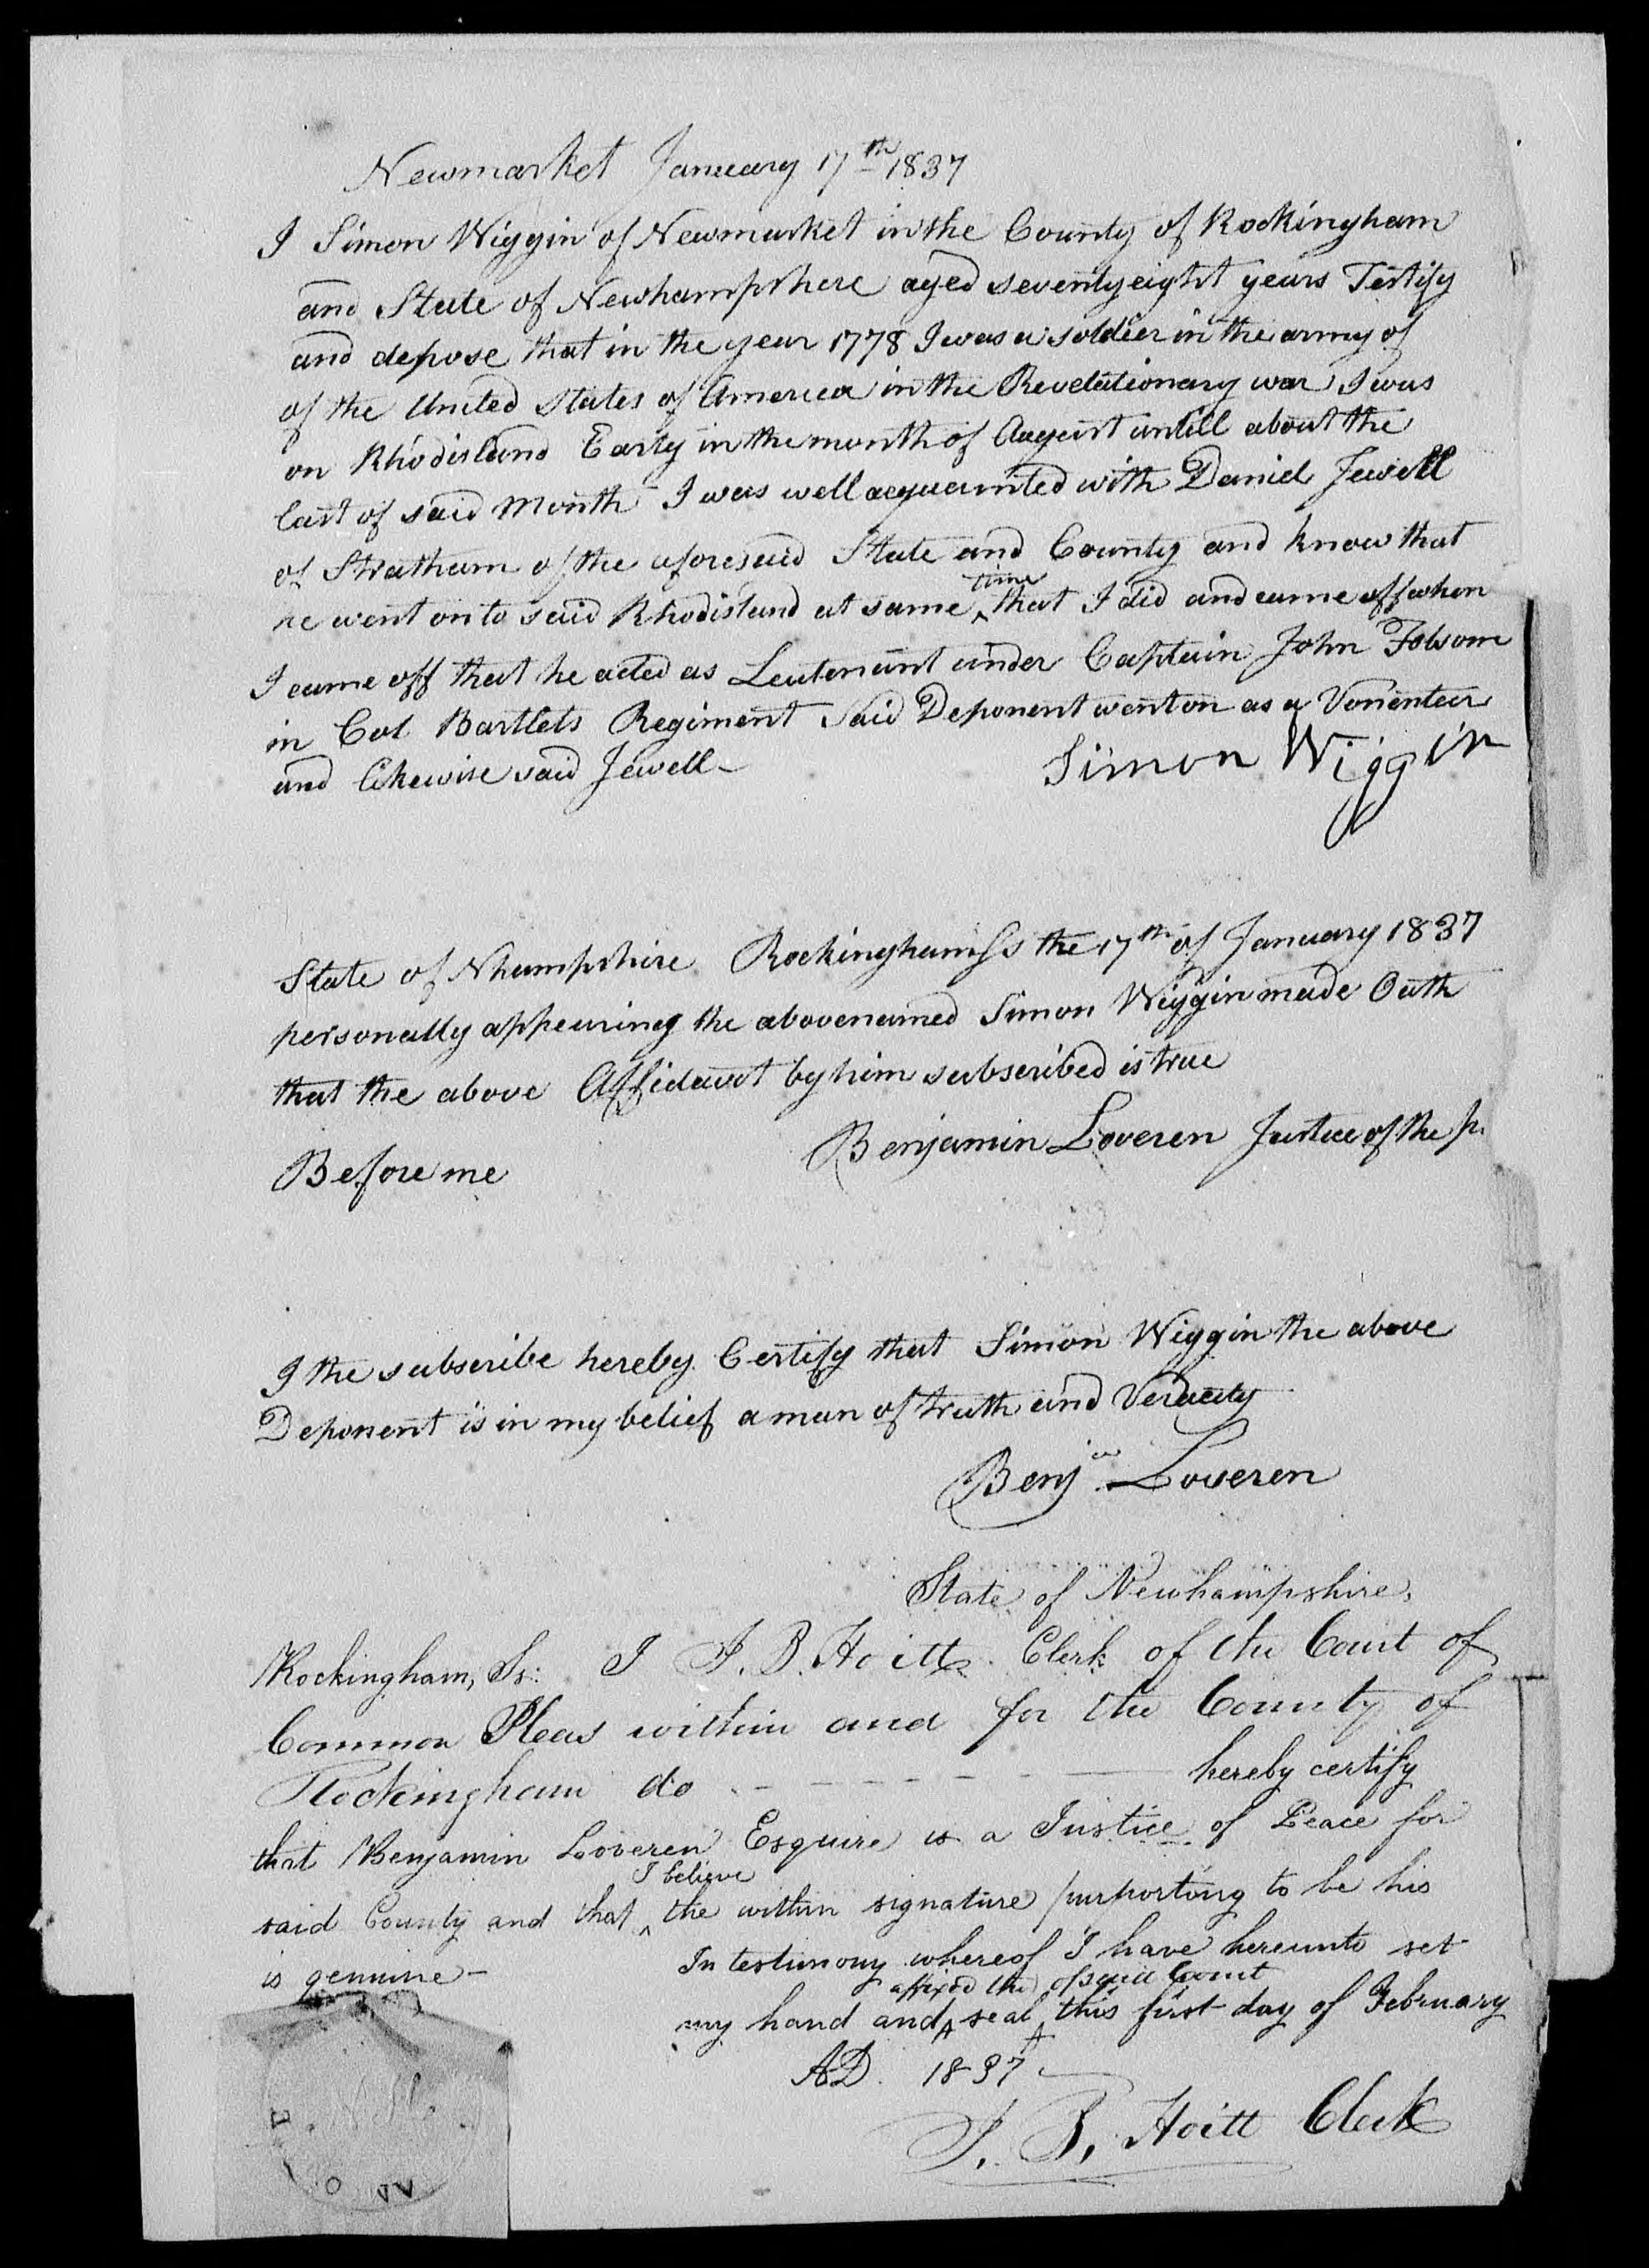Newmarket January 17th, 1837
I Simon Wiggin of Newmarket in the County of Rockingham and State of Newhampshire [sic] aged seventy eight years testify and depose that in the year 1778 I was a soldier in the army of the United States of America in the Revolutionary war I was on Rhodeisland [sic] Early in the month of August untill [sic] about the last of said month. I was well acquainted with Daniel Jewell of Stratham of the aforesaid State and County and know that he went on to said Rhodeisland [sic] at same that I did and came off when I came off that he acted as Lieutenant under Captain John Folsom in Col Bartlets Regiment Said Deponent went on as a Volunteer and likewise said Jewell-
Simon Wiggin

State of New Hampshire Rockingham Ss. the 17th of January 1837 personally appearing the abovenamed Simon Wiggin made oath
that the above Affidavit by him subscribed is true
Before me
Benjamin Loveren Justice of the Peace

I the subscribe [sic] hereby certify that Simon Wiggin the above Deponent is in my belief a man of truth and veracity
Benj'n [BENJAMIN] Loveren

State of Newhampshire [sic] Rockingham Ss. I J.B. Hoit Clerk of the Court of Common Pleas within and for the County of Rockingham do hereby certify that Benjamin Loveren Esquire is a Justice of Peace for said County and that I believe the within signature purporting to be his is genuine-
In testimony whereof I have hereunto set my hand and affixed the seal of said Court
 this first day of February A.D. 1837-
J.B. Hoitt Clerk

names: John Folsom; Benjamin Loveren; Daniel Jewell; Simon Wiggin; J B Hoitt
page: 18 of 35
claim: survivor's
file: S. 10912, for Daniel Jewell, New Hampshire